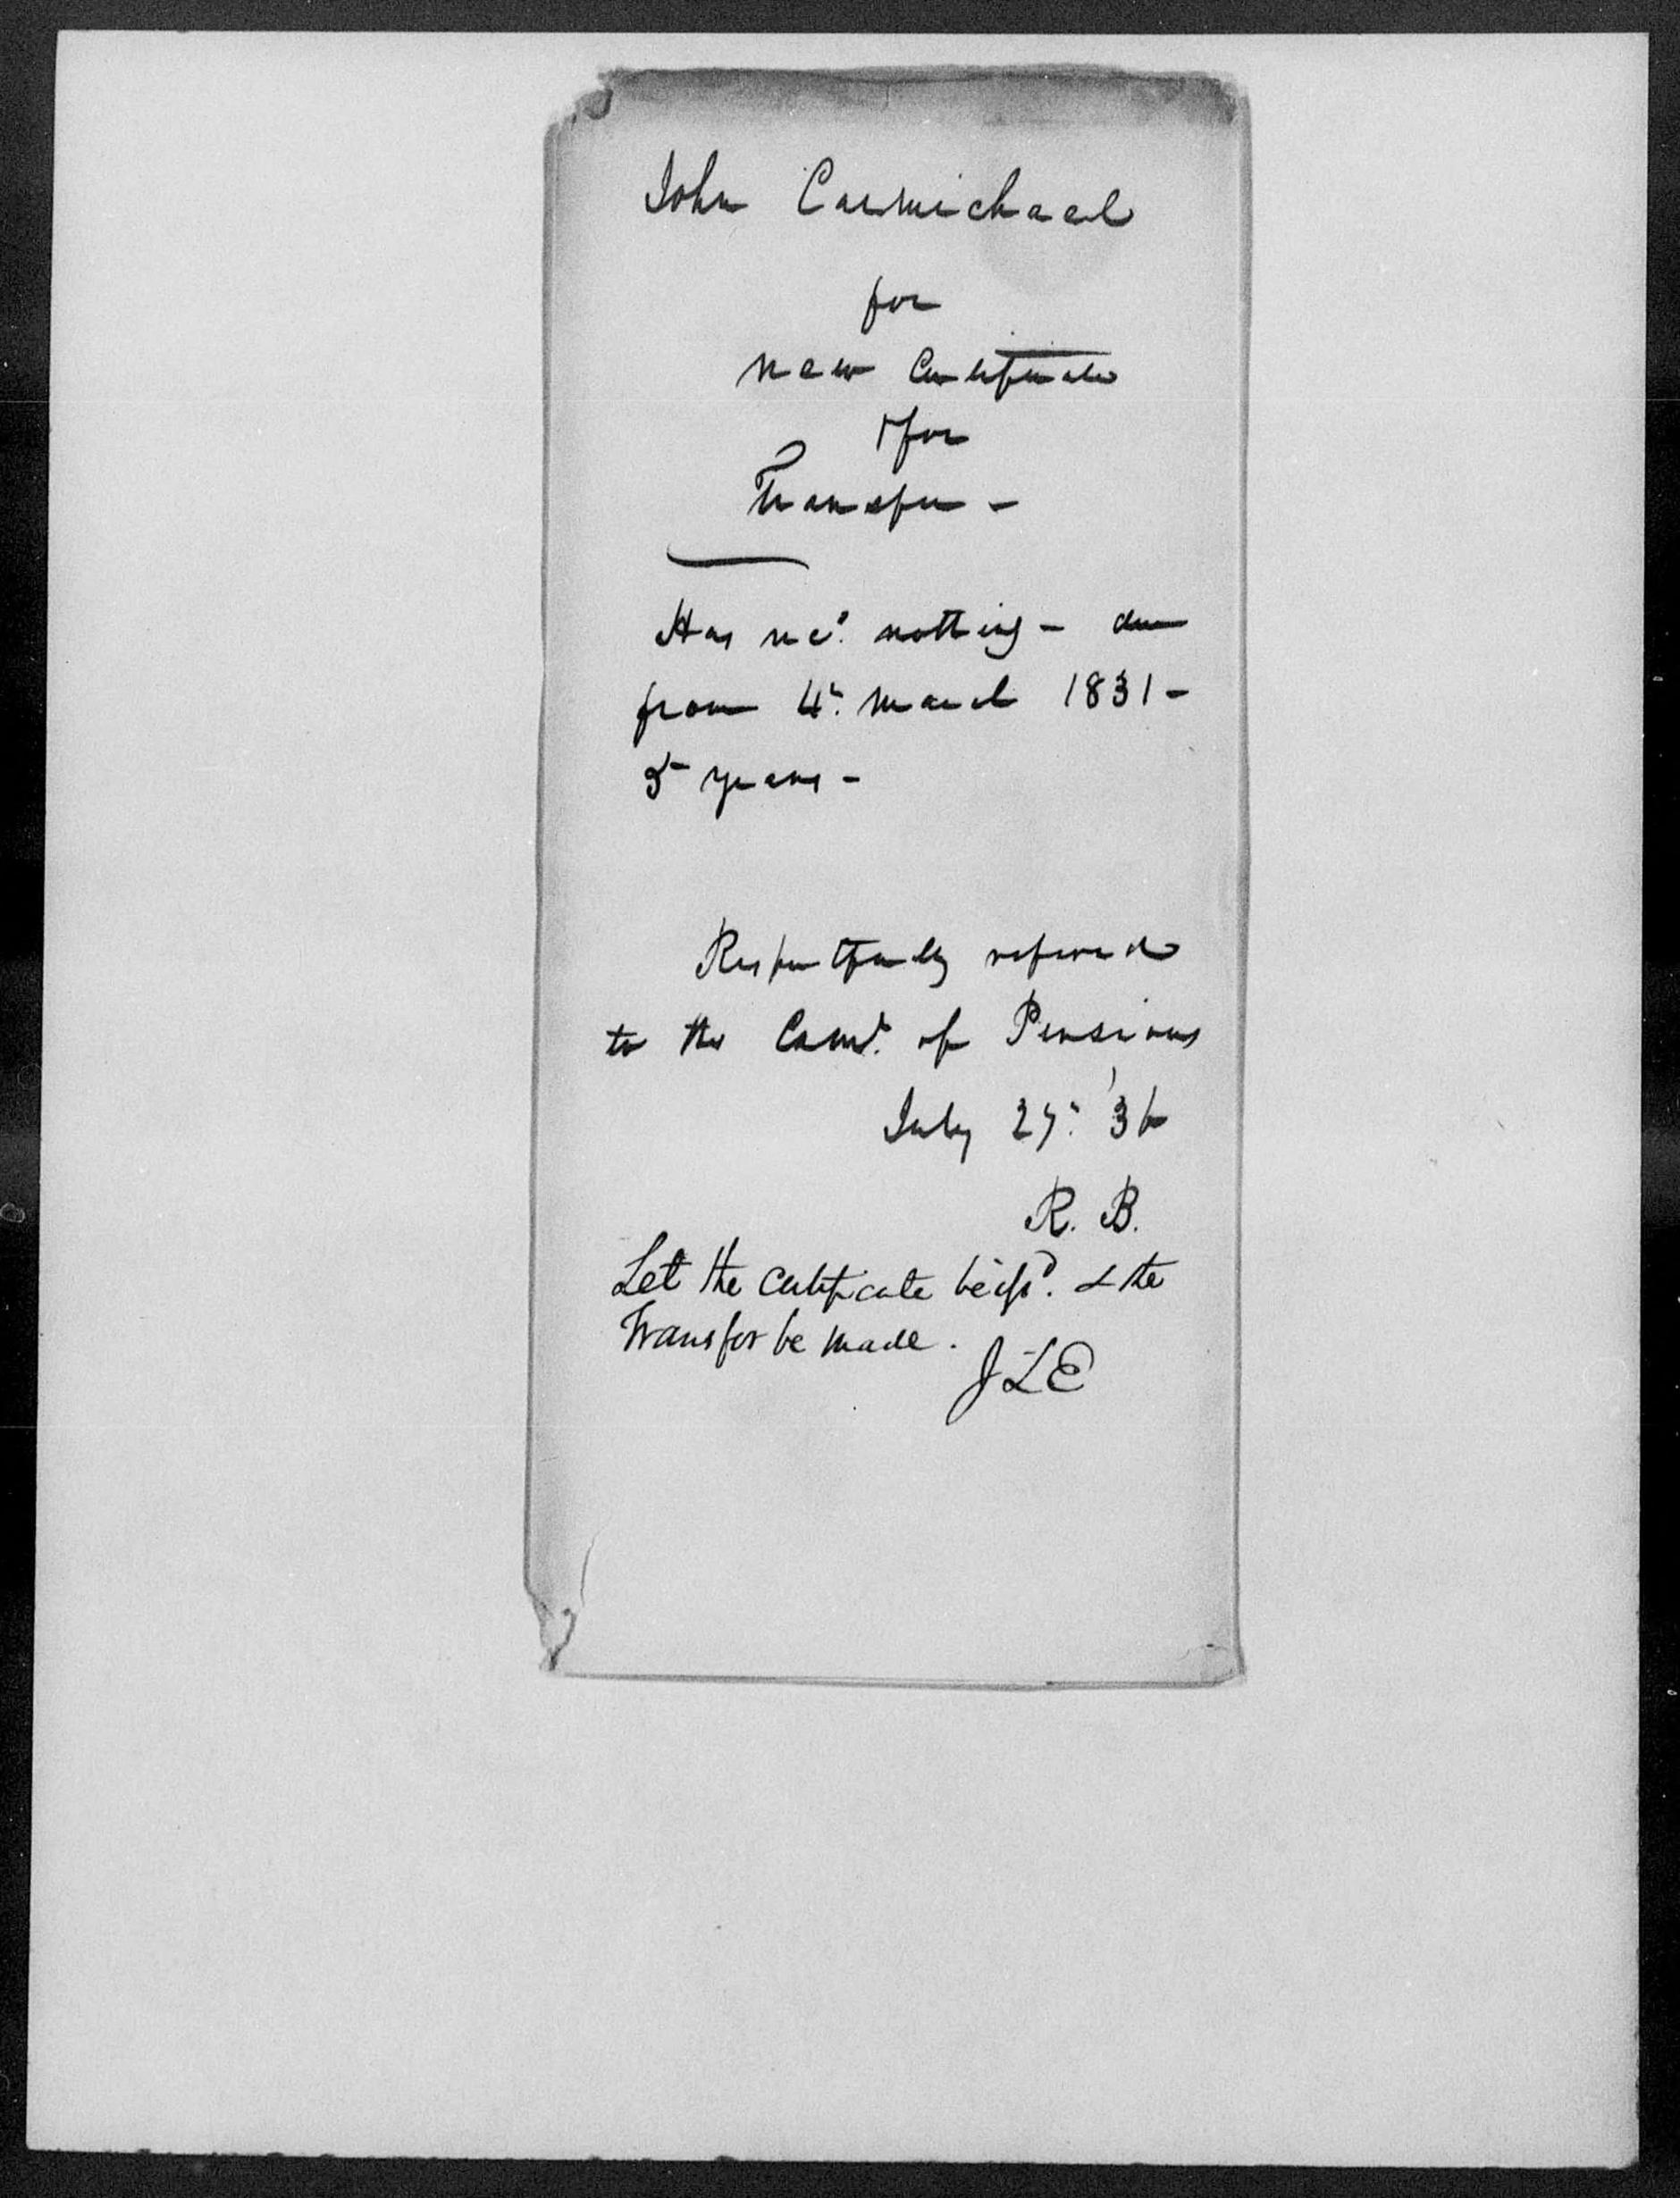John Carmichael
for new certificate for Transfer

Has rec(ieved) nothing - due from 4 March 1831 - 5 years-


Respectfully referred to the Com. of Pensions

                                                July 27, 36

                                                  R.B.

Let the certificate be (??) & let transfer be made.

                                        J.L.E.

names: John Carmichael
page: 13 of 42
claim: survivor's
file: S. 31,595, John Carmickele, Penn.